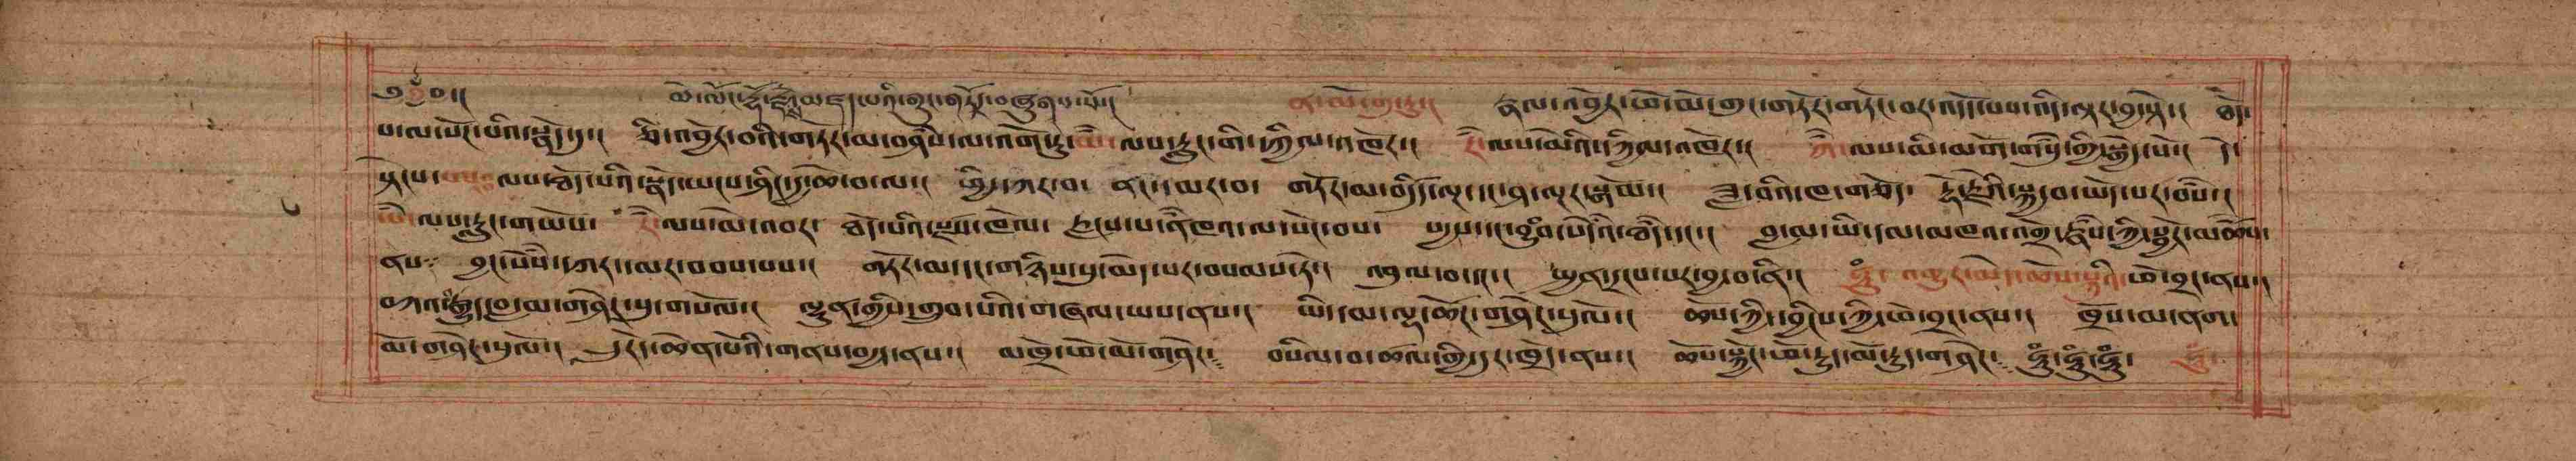༄༅།། མེ་ལོང་རྡོ་རྗེས་མཛད་པའི་གུང་གཏོར་བཞུགས་སོ།། ན་མོ་གུ་རུ།། རྣལ་འབྱོར་ཕོ་མོ་གུང་གཏོར་གཏོང་བར་འདོད་པས་འདི་ལྟར་བྱ་སྟེ། ཐོད་
པ་ལ་སོགས་པའི་སྣོད་དུ།། ཅི་འབྱོར་བའི་གཏོར་མ་བཤམས་ལ་འོག་ཏུ་ཡཾ་ལས་རླུང་གི་དཀྱིལ་འཁོར།། རྃ་ལམ་མེའི་དཀྱིལ་འཁོར།། ཀེྃ་ལས་མེ་མགོ་གསུམ་གྱི་སྒྱེད་པུ།། དེ་
སྟེང་ཨ་ལས་ཐོད་པའི་སྣོད་ཡངས་ཤིང་རྒྱ་ཆེ་བ་ལ།། ཕྱི་དཀར་བ། ནང་དམར་བ། གཏོར་མ་བདུད་རྩི་ལྔ་དང་ཤ་ལྔར་བསྒོམ། ཟླ་བའི་ཁ་གཅོད། རྡོ་རྗེའི་སྐྱ་བ་ཡོད་པར་བསམ། 
ཡྃ་ལས་རླུང་གཡོས། རྃ་ལས་མེ་འབར། ཐོད་པའི་རྫས་ཁོལ། རླངས་པ་ནམ་མཁའ་ལ་སོང་བས། སངས་རྒྱས་དང་བྱང་ཆུབ་སེམས་དཔའ་ཐམས་ཅད་དང་། བླ་མ་ཡིད་དམ་མཁའ་འགྲོ་རྣམས་ཀྱི་སྦྱོར་མཚམས་
ནས་བྱང་སེམས་དཀར་དམར་བབས་པས། གཏོར་མ་དང་གཉིས་སུ་མེད་པར་བསམས་ཏེ། འབུལ་བ་དང་། སྤྱན་དྲངས་པར་བྱ་བ་ནི། ཧཱུཾ། འགྱུར་མེད་ཆོས་སྐུའི་ཕོ་བྲང་ནས།། 
བཀའ་བརྒྱུད་བླ་མ་གཤེགས་སུ་གསོལ།། ལྷུན་གྱིས་གྲུབ་པའི་གཞལ་ཡས་ནས།། ཡིད་དམ་ལྷ་ཚོགས་གཤེགས་སུ་གསོལ།། ཆོས་ཀྱི་དབྱིངས་ཀྱི་ཕོ་བྲང་ནས།། ཁྲོས་མ་ནག་
མོ་གཤེགས་སུ་གསོལ།། དུར་ཁྲོད་ཆེན་པོའི་གནས་བརྒྱད་ནས།། མཁའ་འགྲོ་ཕོ་མོ་གཤེགས་སུ་གསོལ།། བསིལ་བ་ཚལ་གྱི་དུར་ཁྲོད་ནས།། ཆོས་སྐྱོང་ཕོ་རྒྱུད་མོ་རྒྱུད་གཤེགས།། ཧཱུཾ་ཧཱུཾ་ཧཱུཾ། ཧཱུཾ་